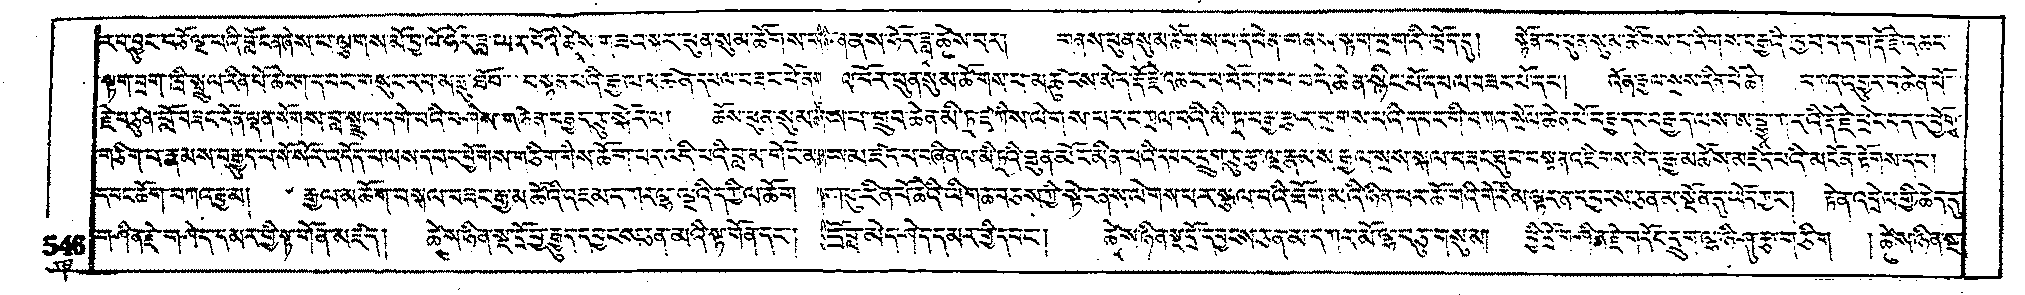རབ་བྱུང་བཅོ་ལྔ་པའི་བློ་ངན་ཞེས་པ་ལྕགས་མོ་བྱ་ལོ་ཧོར་ཟླ་ཡར་ངོའི་ཚེས ༣་གཟའ་སྐར་ཕུན་སུམ་ཚོགས་པའི་ཉིན་ནས་ཧོར་ཟླ ༨་ཚེས ༦་བར། གནས་ཕུན་སུམ་ཚོགས་པ་དབེན་གནས་སྟག་བྲག་རི་ཁྲོད་དུ། སྟོན་པ་ཕུན་སུམ་ཚོགས་པ་རིགས་བརྒྱའི་ཁྱབ་བདག་རྡོ་རྗེ་འཆང་
སྟག་བྲག་ཁྲི་སྤྲུལ་རིན་པོ་ཆེ་ངག་དབང་གསུང་རབ་མཐུ་ཐོབྦྶྟན་པའི་རྒྱལ་མཚན་དཔལ་བཟང་པོ་ནས། འཁོར་ཕུན་སུམ་ཚོགས་པ་མཚུངས་མེད་རྡོ་རྗེ་འཆང་ཕ་བོང་ཁ་པ་བདེ་ཆེན་སྙིང་པོ་དཔལ་བཟང་པོ་དང་། འོན་རྒྱལ་སྲས་རིན་པོ་ཆེ། བཀའ་འགྱུར་བ་ཆེན་པོ་
རྗེ་བཙུན་བློ་བཟང་དོན་ལྡན་སོགས་བླ་སྤྲུལ་དགེ་བའི་བཤེས་གཉེན་བརྒྱད་ཅུ་སྐོར་ལ། ཆོས་ཕུན་སུམ་ཚོགས་པ་གྲུབ་ཆེན་མི་ཏྲ་ཛྭ་ཀི་ས་ལེགས་པར་བཀྲལ་བའི་མི་ཏྲ་བརྒྱ་རྩར་གྲགས་པའི་དབང་གི་བཀའ་སྲོལ་ཆེན་པོ་བརྒྱ་དང་བརྒྱད་ལས་ཨ་བྷྱ་ཀ་རའི་རྡོ་རྗེ་ཕྲེང་བ་དང་ཕྱོགས་
གཅིག་པ་རྣམས་བརྒྱུད་པ་སོ་སོར་འདོད་པ་ལས་དབང་ཕྱོགས་གཅིག་གིས་ཆོག་པར་འདི་པའི་བླ་མ་གོང་མ་རྣམས་མཛད་པ་བཞིན་ལ་མི་ཏྲའི་ཐུན་མོང་མིན་པའི་དབང་དྲུག་ཅུ་རྩ་ལྔ་རྣམས་རྒྱལ་སྲས་སྐལ་བཟང་ཐུབ་བསྟན་འཇིགས་མེད་རྒྱ་མཚོས་མཛད་པའི་མངོན་རྟོགས་དང་།
དབང་ཆོག་བཀའ་རྒྱ་མ། ༧རྒྱལ་མཆོག་བསྐལ་བཟང་རྒྱ་མཚོའི་འཇམ་དཀར་ལྷ་ལྔའི་དཀྱིལ་ཆོག །སྟག་ཕུ་རིན་པོ་ཆེའི་ཡིག་ཆ་བཅས་ཀྱི་སྟེང་ནས་ལེགས་པར་སྩལ་བའི་ཐོག་མའི་ཉིན་པར་ཆོ་གའི་གོ་རིམ་ལྟར་ན་དབྱངས་ཅན་མ་སྔོན་དུ་ཡོད་ཀྱང་། རྟེན་འབྲེལ་གྱི་ཆེད་དུ་
གཤིན་རྗེ་གཤེད་དམར་གྱི་སྟ་གོན་མཛད། ཚེས ༤་ཉིན་སྔ་དྲོ་བྱ་རྒྱུད་དབྱངས་ཅན་མའི་སྟ་གོན་དང་། ཕྱི་དྲོ་བླ་མེད་ཤེད་དམར་གྱི་དབང་། ཚེས ༥་ཉིན་སྔ་དྲོ་དབྱངས་ཅན་མ་དཀར་མོ་ལྷ་བཅུ་གསུམ། ཕྱི་དྲོ་གཤིན་རྗེ་གདོང་དྲུག་ལྷ་ཉི་ཤུ་རྩ་གཅིག །ཚེས ༦་ཉིན་སྔ་